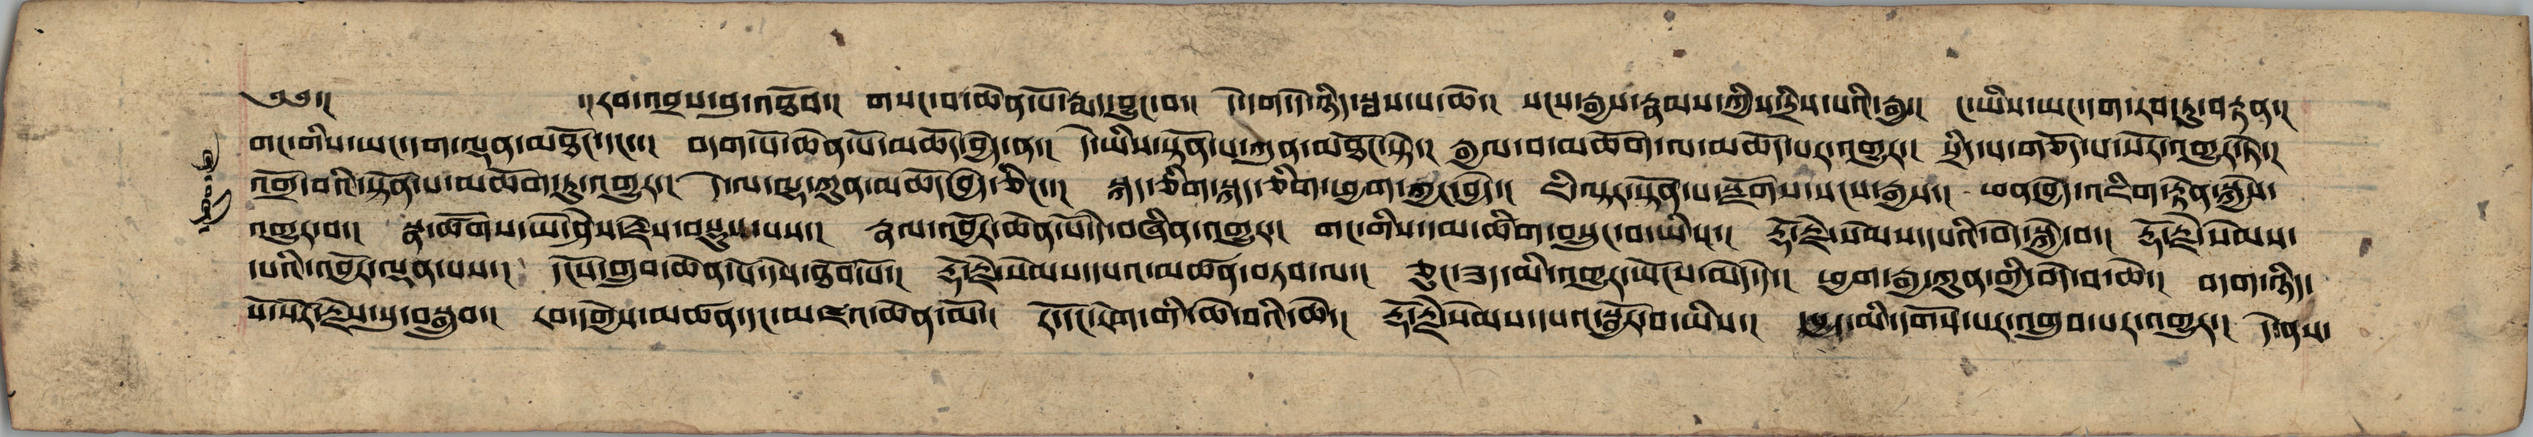༄༅་། ་།རབ་འབྲས་བུ་འཐོབ་། གསང་བ་ཆེན་པོ་རྨད་བྱུང་བ་། དེ་དག་དེ་ཉིད་སྦས་པ་ཆེ་། སངས་རྒྱས་རྣམས་ཀྱིས་དྲིས་པའི་རྒྱུ་། ང་ཡིས་ཡང་དག་རབ་ཏུ་བརྟན་།
གང་གིས་ཡང་དག་ལྡན་མཐོང་དང་་། བདག་པོ་ཆེན་པོ་མཆོད་བྱེད་ན་། དེ་ཡིས་སྟོན་པ་ཀུན་མཐོང་སྟེ་། རྒྱལ་བ་མཆོག་ལ་མཆོད་པར་འགྱུར་། སྲིད་པ་གཅོད་པ་སོར་འགྱུར་ཏེ་།།
འགྲོ་བའི་སྟོན་པ་མཆོག་ཏུ་གྱུར་། དེ་ལ་ལྷ་ཀུན་མཆོད་བྱེད་ཅིང་་། སྐད་ཅིག་སྐད་ཅིག་ཕྱག་ཀྱང་བྱེད་། ཇི་ལྟར་སྟོན་པ་སྫོགས་སངས་རྒྱས་། ཕན་བྱེད་འཇིག་རྟེན་སྐྱེས་
འགྱུར་བ་། སྣ་ཚོགས་ཡེ་ཤེས་རྗེས་བསྡུས་པས་། རྣལ་འབྱོར་ཆེན་པོ་དེ་བཞིན་འགྱུར་། གང་གིས་དམ་ཚིག་བསྲུང་བ་ཡིས་། རྡོ་རྗེ་སེམས་དཔའི་བདེ་སྐྱེ་བ་། རྡོ་རྗེ་སེམས་
དཔའི་འབྱོར་ལྡན་པས་། དངོས་གྲུབ་ཆེན་པོ་དེས་ཐོབ་སོ་། རྡོ་རྗེ་སེམས་དཔའ་མཚན་བཏབ་ལ་། ཅུང་ཟད་མི་འགྱུར་ཡོངས་མེད་དེ་། ཕྱག་རྒྱ་ཀུན་གྱི་བདེ་བ་ཆེ་། བདག་ཉིད་
སོ་སོར་རྗེས་སུ་བསྒྲུབ་། རབ་དགྱེས་མཚན་དང་མཛའ་ཆེན་མོ་། ར་དོང་རེག་གི་ཆེ་བའི་ཆེ་། རྡོ་རྗེ་སེམས་དཔའ་སྦྱོར་བ་ཡིས་། དཔྱད་མི་དགོས་པར་འགྲུབ་པར་འགྱུར་། དེ་ནས་